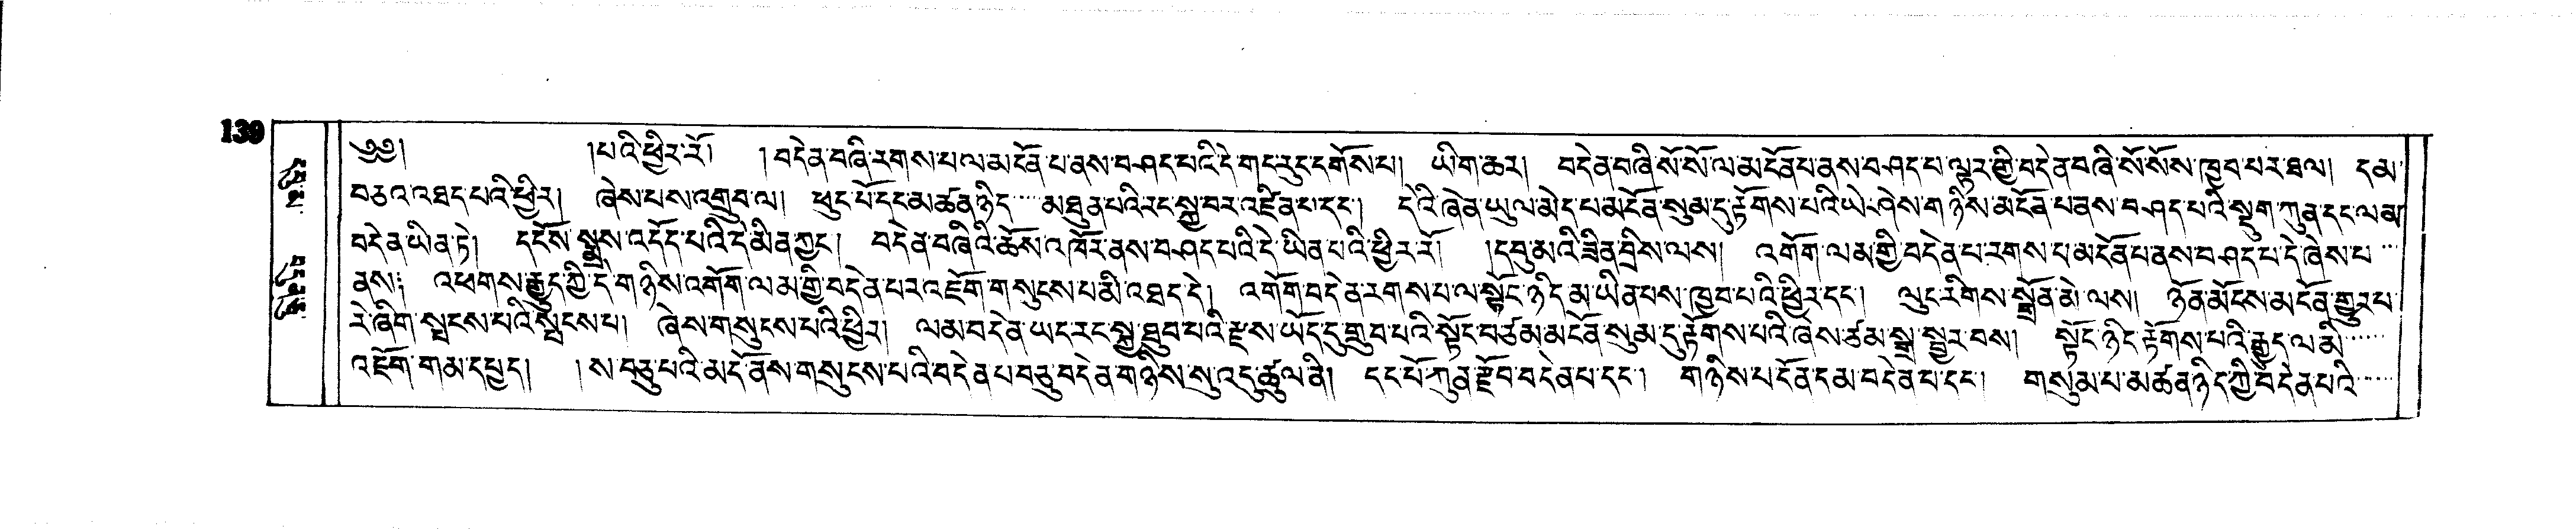༄༅། །པའི་ཕྱིར་རོ། །བདེན་བཞི་རགས་པ་ལ་མངོན་པ་ནས་བཤད་པའི་དེ་གང་རུང་དགོས་པ། ཡིག་ཆར། བདེན་བཞི་སོ་སོ་ལ་མངོན་པ་ནས་བཤད་པ་ལྟར་གྱི་བདེན་བཞི་སོ་སོས་ཁྱབ་པར་ཐལ། དམ་
བཅའ་འཐད་པའི་ཕྱིར། ཞེས་པས་འགྲུབ་ལ། ཕུང་པོ་དང་མཚན་ཉིད་མཐུན་པའི་རང་སྐྱ་བར་འཛིན་པ་དང་། དེའི་ཞེན་ཡུལ་མེད་པ་མངོན་སུམ་དུ་རྟོགས་པའི་ཡེ་ཤེས་གཉིས་མངོན་པ་ནས་བཤད་པའི་སྡུག་ཀུན་དང་ལམ་
བདེན་ཡིན་ཏེ། དངོས་སྨྲས་འདོད་པའི་དེ་ཡིན་ཀྱང་། བདེན་བཞིའི་ཆོས་འཁོར་ནས་བཤད་པའི་དེ་ཡིན་པའི་ཕྱིར་རོ། །དབུ་མའི་ཟིན་བྲིས་ལས། འགོག་ལམ་གྱི་བདེན་པ་རགས་པ་མངོན་པ་ནས་བཤད་པ་དེ་ཞེས་པ་
ནས། འཕགས་རྒྱུད་ཀྱི་དེ་གཉིས་འགོག་ལམ་གྱི་བདེན་པར་འཇོག་གསུངས་པ་མི་འཐད་དེ། འགོག་བདེན་རགས་པ་ལ་སྟོང་ཉིད་མ་ཡིན་པས་ཁྱབ་པའི་ཕྱིར་དང་། ལུང་རིགས་སྒྲོན་མེ་ལས། ཉོན་མོངས་མངོན་གྱུར་པ་
རེ་ཞིག་སྤངས་པའི་སྤངས་པ། ཞེས་གསུངས་པའི་ཕྱིར། ལམ་བདེན་ཡང་རང་སྐྱ་ཐུབ་པའི་རྫས་ཡོད་དུ་གྲུབ་པའི་སྟོང་པ་ཙམ་མངོན་སུམ་དུ་རྟོགས་པའི་ཞེས་ཙམ་སྒྲ་སྦྱར་བས། སྟོང་ཉིད་རྟོགས་པའི་རྒྱུད་ལ་མི་
འཇོག་གམ་དཔྱད། །ས་བཅུ་པའི་མདོ་ནས་གསུངས་པའི་བདེན་པ་བཅུ་བདེན་གཉིས་སུ་འདུ་ཚུལ་ནི། དང་པོ་ཀུན་རྫོབ་བདེན་པ་དང་། གཉིས་པ་དོན་དམ་བདེན་པ་དང་། གསུམ་པ་མཚན་ཉིད་ཀྱི་བདེན་པའི་